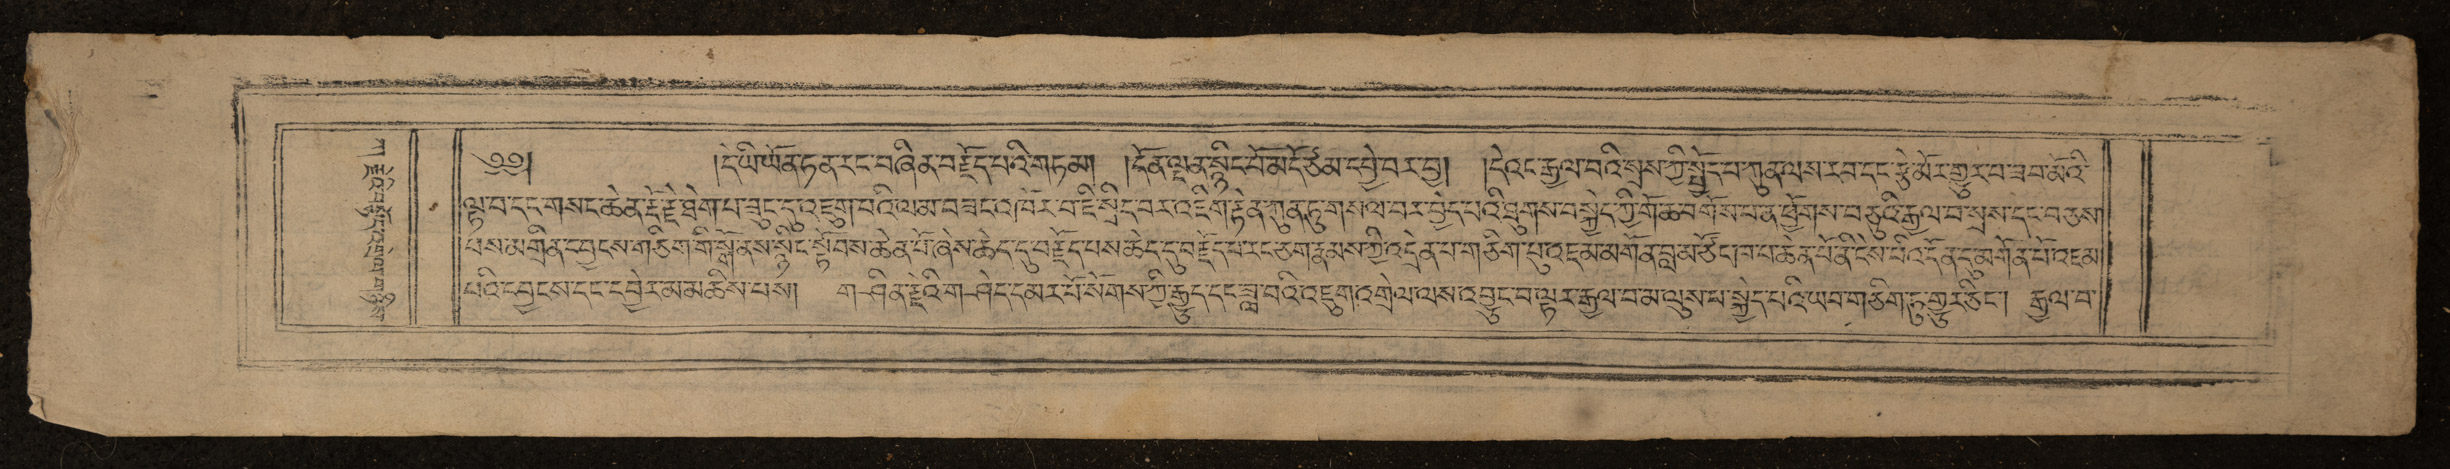༄༅༅། །དེ་ཡི་ཡོན་ཏན་རང་བཞིན་བརྗོད་པའི་གཏམ། །དོན་ལྡན་སྙིང་པོ་མདོ་ཙམ་དབྱེ་བར་བྱ། །དེའང་རྒྱལ་བའི་སྲས་ཀྱི་སྤྱོད་པ་ཀུན་ལས་རབ་དང་རྩེ་མོར་གྱུར་པ་ཟབ་
མོའི་ལྟ་བ་དང་གསང་ཆེན་རྡོ་རྗེ་ཐེག་བཟུང་དུ་འཇུག་པའི་ལམ་བཟང་འཁོར་བ་ཇི་སྲིད་བར་འཇིག་རྟེན་ཀུན་ཏུ་གསལ་བར་བྱེད་པའི་ཐུགས་བསྐྱེད་ཀྱི་གོ་ཆ་འགོས་པ་ན་ཕྱོགས་བཅུའི་རྒྱལ་བ་སྲས་དང་
བཅས་པས་མགྲིན་དབྱངས་གཅིག་གི་སྒོ་ནས་སྙིང་སྟོབས་ཆེན་པོ་ཞེས་ཆེད་དུ་བརྗོད་པས་ཆེད་དུ་བརྗོད་པ་རང་ཅག་རྣམས་ཀྱི་འདྲེན་པ་གཅིག་པུ་འཇམ་མགོན་བླ་མ་ཙོང་ཁ་པ་ཆེན་པོ་ནི་ངེས་པའི་དོན་དུ་མགོན་པོ་འཇམ་
པའི་དབྱངས་དང་དབྱེར་མ་མཆིས་པས། གཤིན་རྗེའི་གཤེད་དམར་པོ་སོགས་ཀྱི་རྒྱུད་དང་ཟླ་བའི་འཇུག་འགྲེལ་ལས་འབྱུང་བ་ལྟར་རྒྱལ་བ་མ་ལུས་བསྐྱེད་པའི་ཡབ་གཅིག་ཏུ་གྱུར་ཅིང་། རྒྱལ་བ་